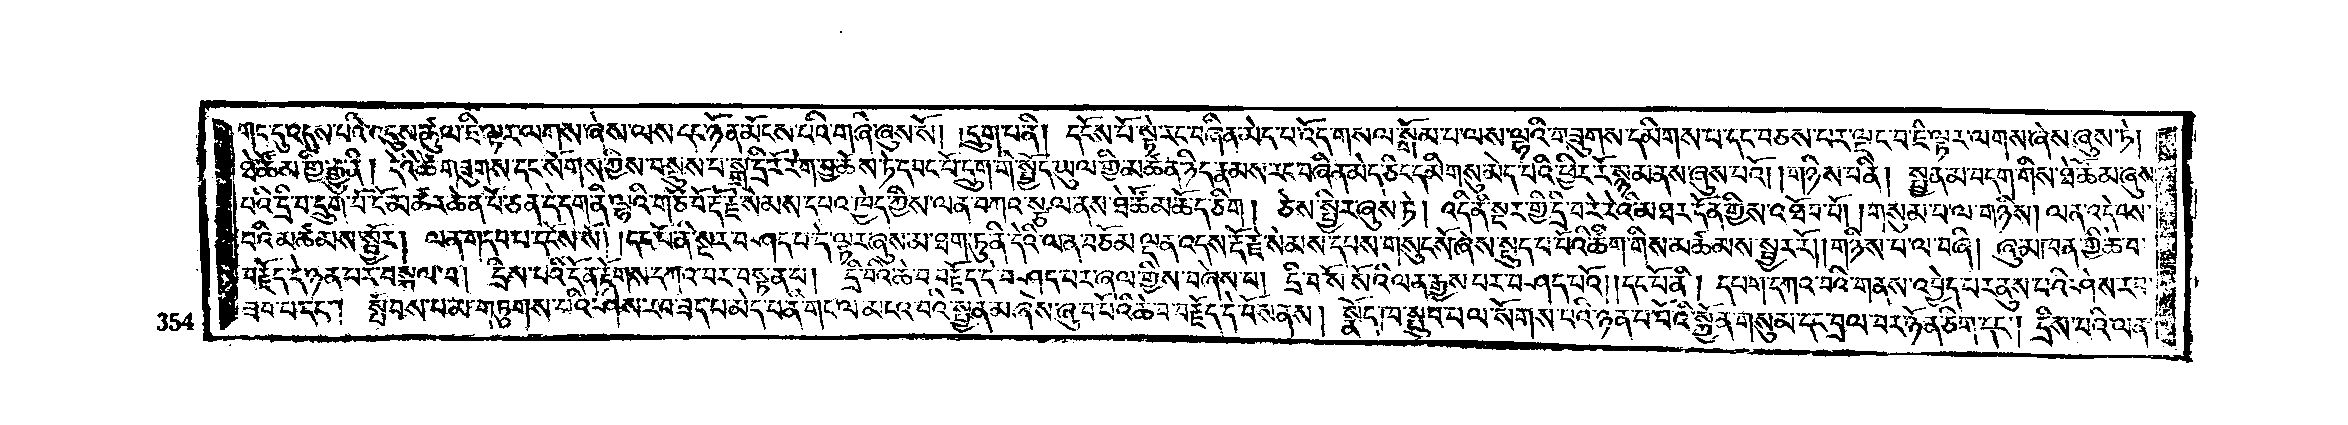གང་དུ་འདུས་པའི་འདུས་ཚུལ་ཇི་ལྟར་ལགས་ཞེས་ལས་དང་ཉོན་མོངས་པའི་གཞི་ཞུས་སོ། །དྲུག་པ་ནི། དངོས་པོ་སྟེ་རང་བཞིན་མེད་པ་འོད་གསལ་སྒོམ་པ་ལས་ལྷའི་གཟུགས་དམིགས་པ་དང་བཅས་པར་ལྡང་བ་ཇི་ལྟར་ལགས་ཞེས་ཞུས་ཏེ།
ཐེ་ཚོམ་གྱི་རྒྱུ་ནི། དེའི་ཚེ་གཟུགས་དང་སོགས་ཀྱིས་བསྡུས་པ་སྒྲ་དྲི་རོ་རེག་བྱ་ཆོས་ཏེ་དབང་པོ་དྲུག་གི་སྤྱོད་ཡུལ་གྱི་མཚན་ཉིད་རྣམས་རང་བཞིན་མེད་ཅིང་དམིགས་སུ་མེད་པའི་ཕྱིར་རོ་སྙམ་ནས་ཞུས་པའོ། །གཉིས་པ་ནི། སྤྱན་མ་བདག་གིས་ཐེ་ཚོམ་ཞུས་
པའི་དྲི་བ་དྲུག་པོ་ངོ་མཚར་ཆེན་པོ་ཅན་དེ་དག་ནི་ལྷའི་གཙོ་བོ་རྡོ་རྗེ་སེམས་དཔའ་ཁྱེད་ཀྱིས་ལན་བཀའ་སྩལ་ནས་ཐེ་ཚོམ་ཆོད་ཅིག །ཅེས་སྤྱིར་ཞུས་ཏེ། འདི་ནི་སྔར་གྱི་དྲི་བ་རེ་རེའི་མཐར་དོན་གྱིས་འཐོབ་བོ། །གསུམ་པ་ལ་གཉིས། ལན་འདེབས་
པའི་མཚམས་སྦྱོར། ལན་གདབ་པ་དངོས་སོ། །དང་པོ་ནི་སྔར་བཤད་པ་དེ་ལྟར་ཞུས་མ་ཐག་ཏུ་ནི་དེའི་ལན་བཅོམ་ལྡན་འདས་རྡོ་རྗེ་སེམས་དཔས་གསུངས་སོ་ཞེས་སྡུད་པ་པོའི་ཚིག་གིས་མཚམས་སྦྱར་རོ། །གཉིས་པ་ལ་བཞི། ཞུ་མཁན་གྱི་ཆེ་བ་
བརྗོད་དེ་ཉན་པར་བསྐུལ་བ། དྲིས་པའི་དོན་རྟོགས་དཀའ་བར་བསྟན་པ། དྲི་བའི་ཆེ་བ་བརྗོད་དེ་བཤད་པར་ཞལ་གྱིས་བཞེས་པ། དྲི་བ་སོ་སོའི་ལན་རྒྱས་པར་བཤད་པའོ། །དང་པོ་ནི། དཔག་དཀའ་བའི་གནས་འབྱེད་པར་ནུས་པའི་ཤེས་རབ་
ཟབ་པ་དང་། སྤོབས་པ་མ་གཏུགས་པའི་ཤེས་རབ་ཟད་པ་མེད་པ་ནི་གང་ལ་མངའ་བའི་སྤྱན་མ་ཞེས་ཞུ་བ་པོའི་ཆེ་བ་བརྗོད་དེ་བོས་ནས། སྣོད་ཁ་སྤུབ་པ་ལ་སོགས་པའི་ཉན་པ་པོའི་སྐྱོན་གསུམ་དང་བྲལ་བར་ཉོན་ཅིག་དང་། དྲིས་པའི་ལན་